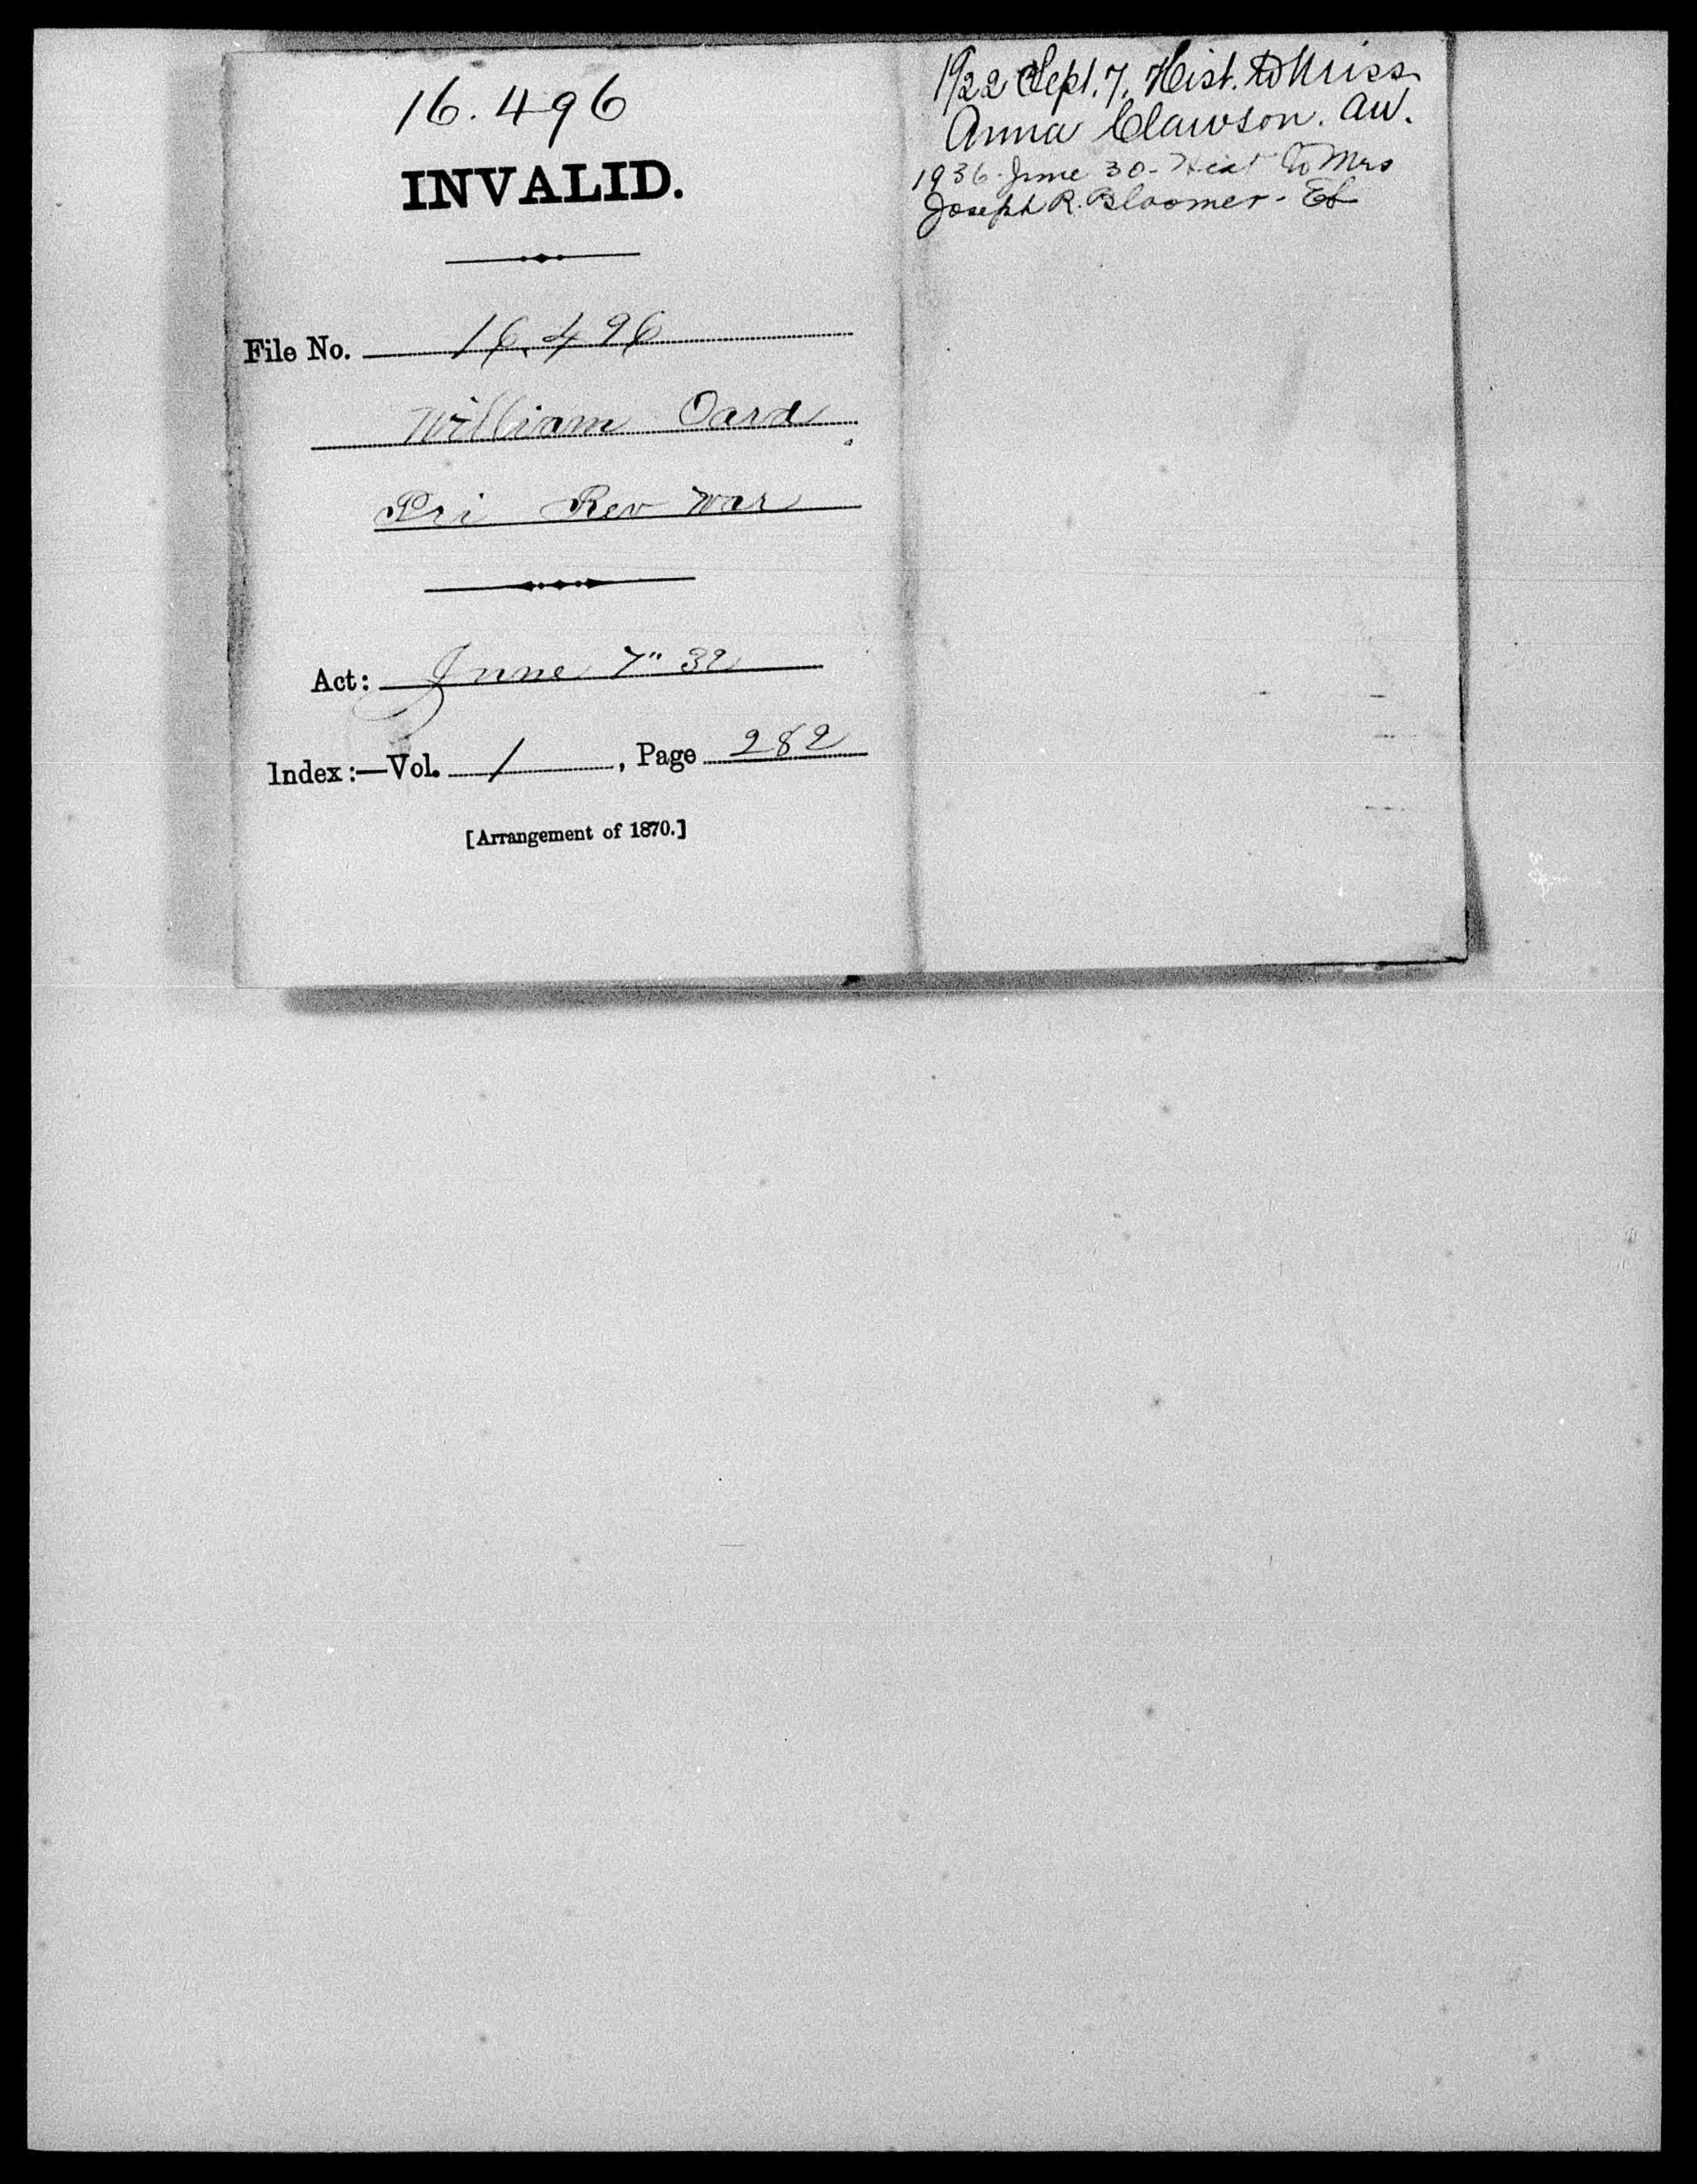Left Side Page

16496
INVALID

File No 16496
William Oard
Pri Rev War

Act June 7, '32
Index Vol 1 Page 282

[Arrangement of 1870.]

Right Side Page

1922 Sept 7 - Hist to Miss Anna Clawson
1936 June 30 - Hist to Mrs. Joseph R Bloomer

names: Anna Clawson; William Oard; Joseph R Bloomer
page: 15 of 18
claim: survivor's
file: S. 16,496, for William Oard, Maryland